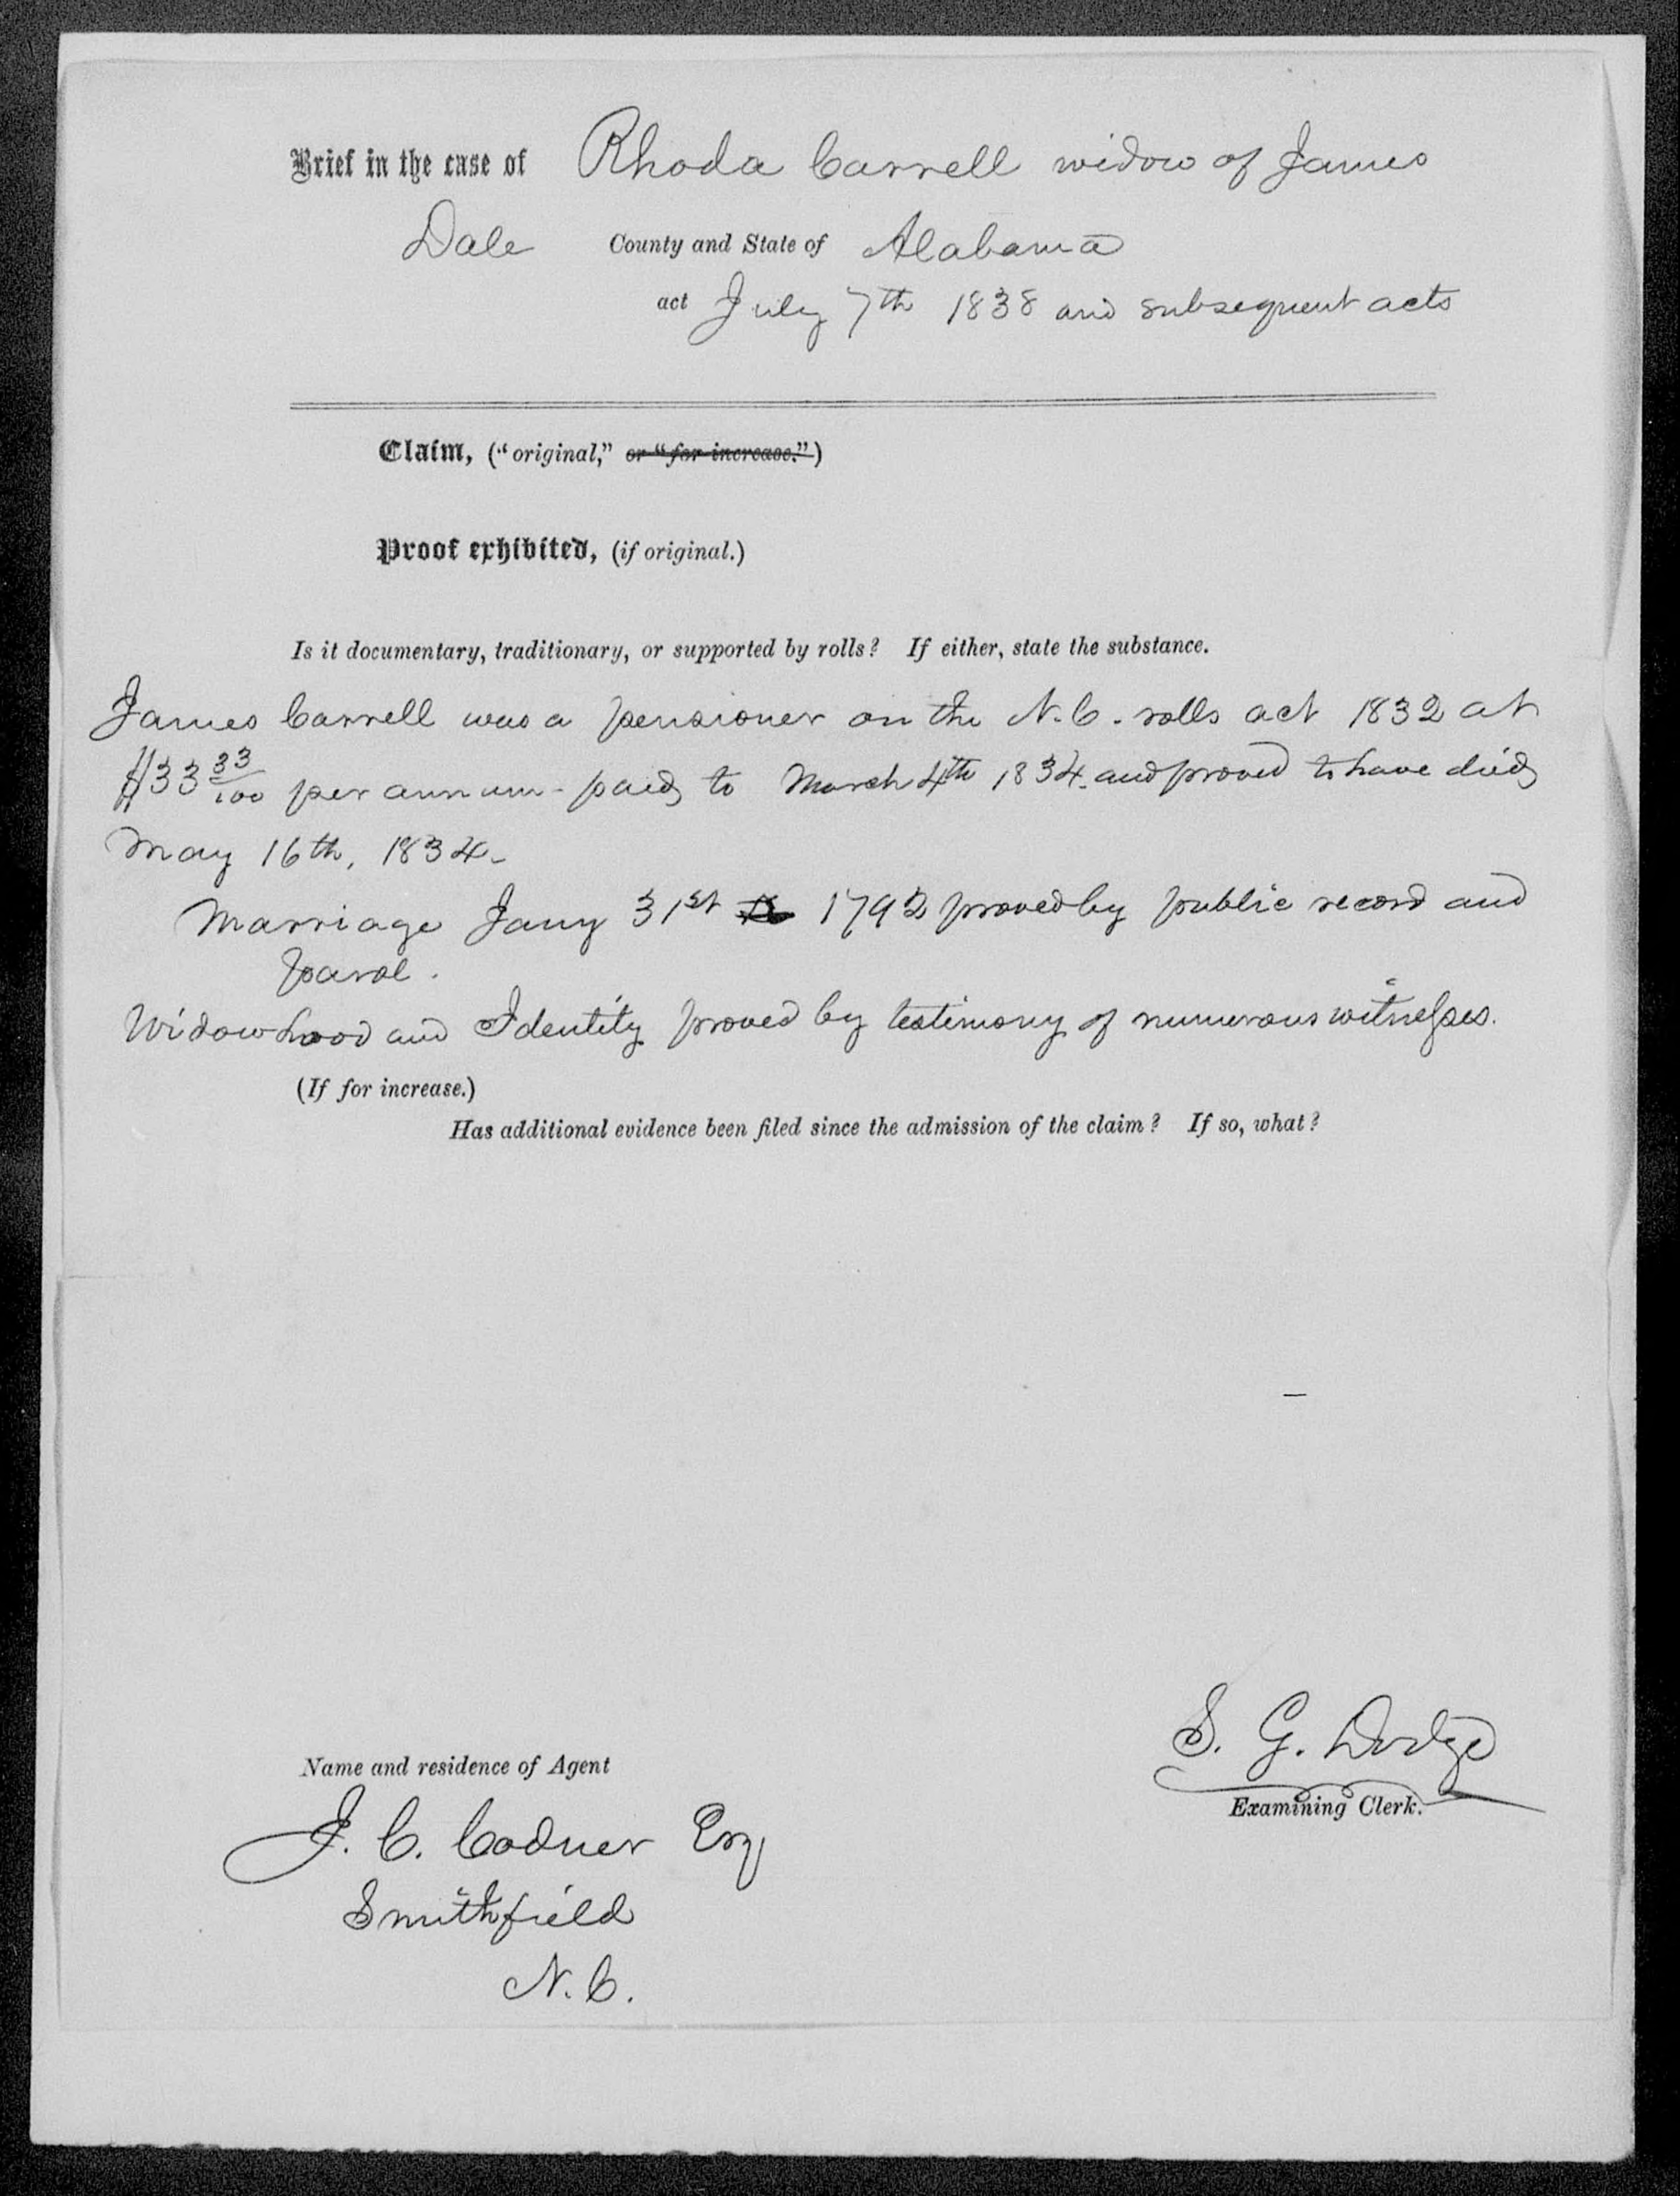Brief in the case of Rhoda Carrell widow of James
Dale County and State of Alabama 
act July 7th 1838 and subsequent acts

Claim, (original, [crossed out- or for increase])
Proof exhibited, (if original)

Is it documentary, traditionary, or supported by rolls?  If either, state the substance.
James Carrell was a pensioner on the N.C. rolls act 1832 at #33.33/100 per annum paid to March 4th 1834 and proven to have died May 16th 1834.
Marriage Jany 31st 1792 proved by public record and [illegible]
Widowhood and identity proved by testimony of numerous witnesses.

(If for increase.)
Has additional evidence been filed since the admission of the claim?  If so, what?


S.G. Dodge
Examining Clerk

Name and residence of Agent
J. C. Codner Esq
Smithfield
N.C.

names: James Carrell, James Carrell, S G Dodge, Rhoda Carrell, J C Codner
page: 73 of 86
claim: widow's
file: W. 6899, James Carrell, N.C.